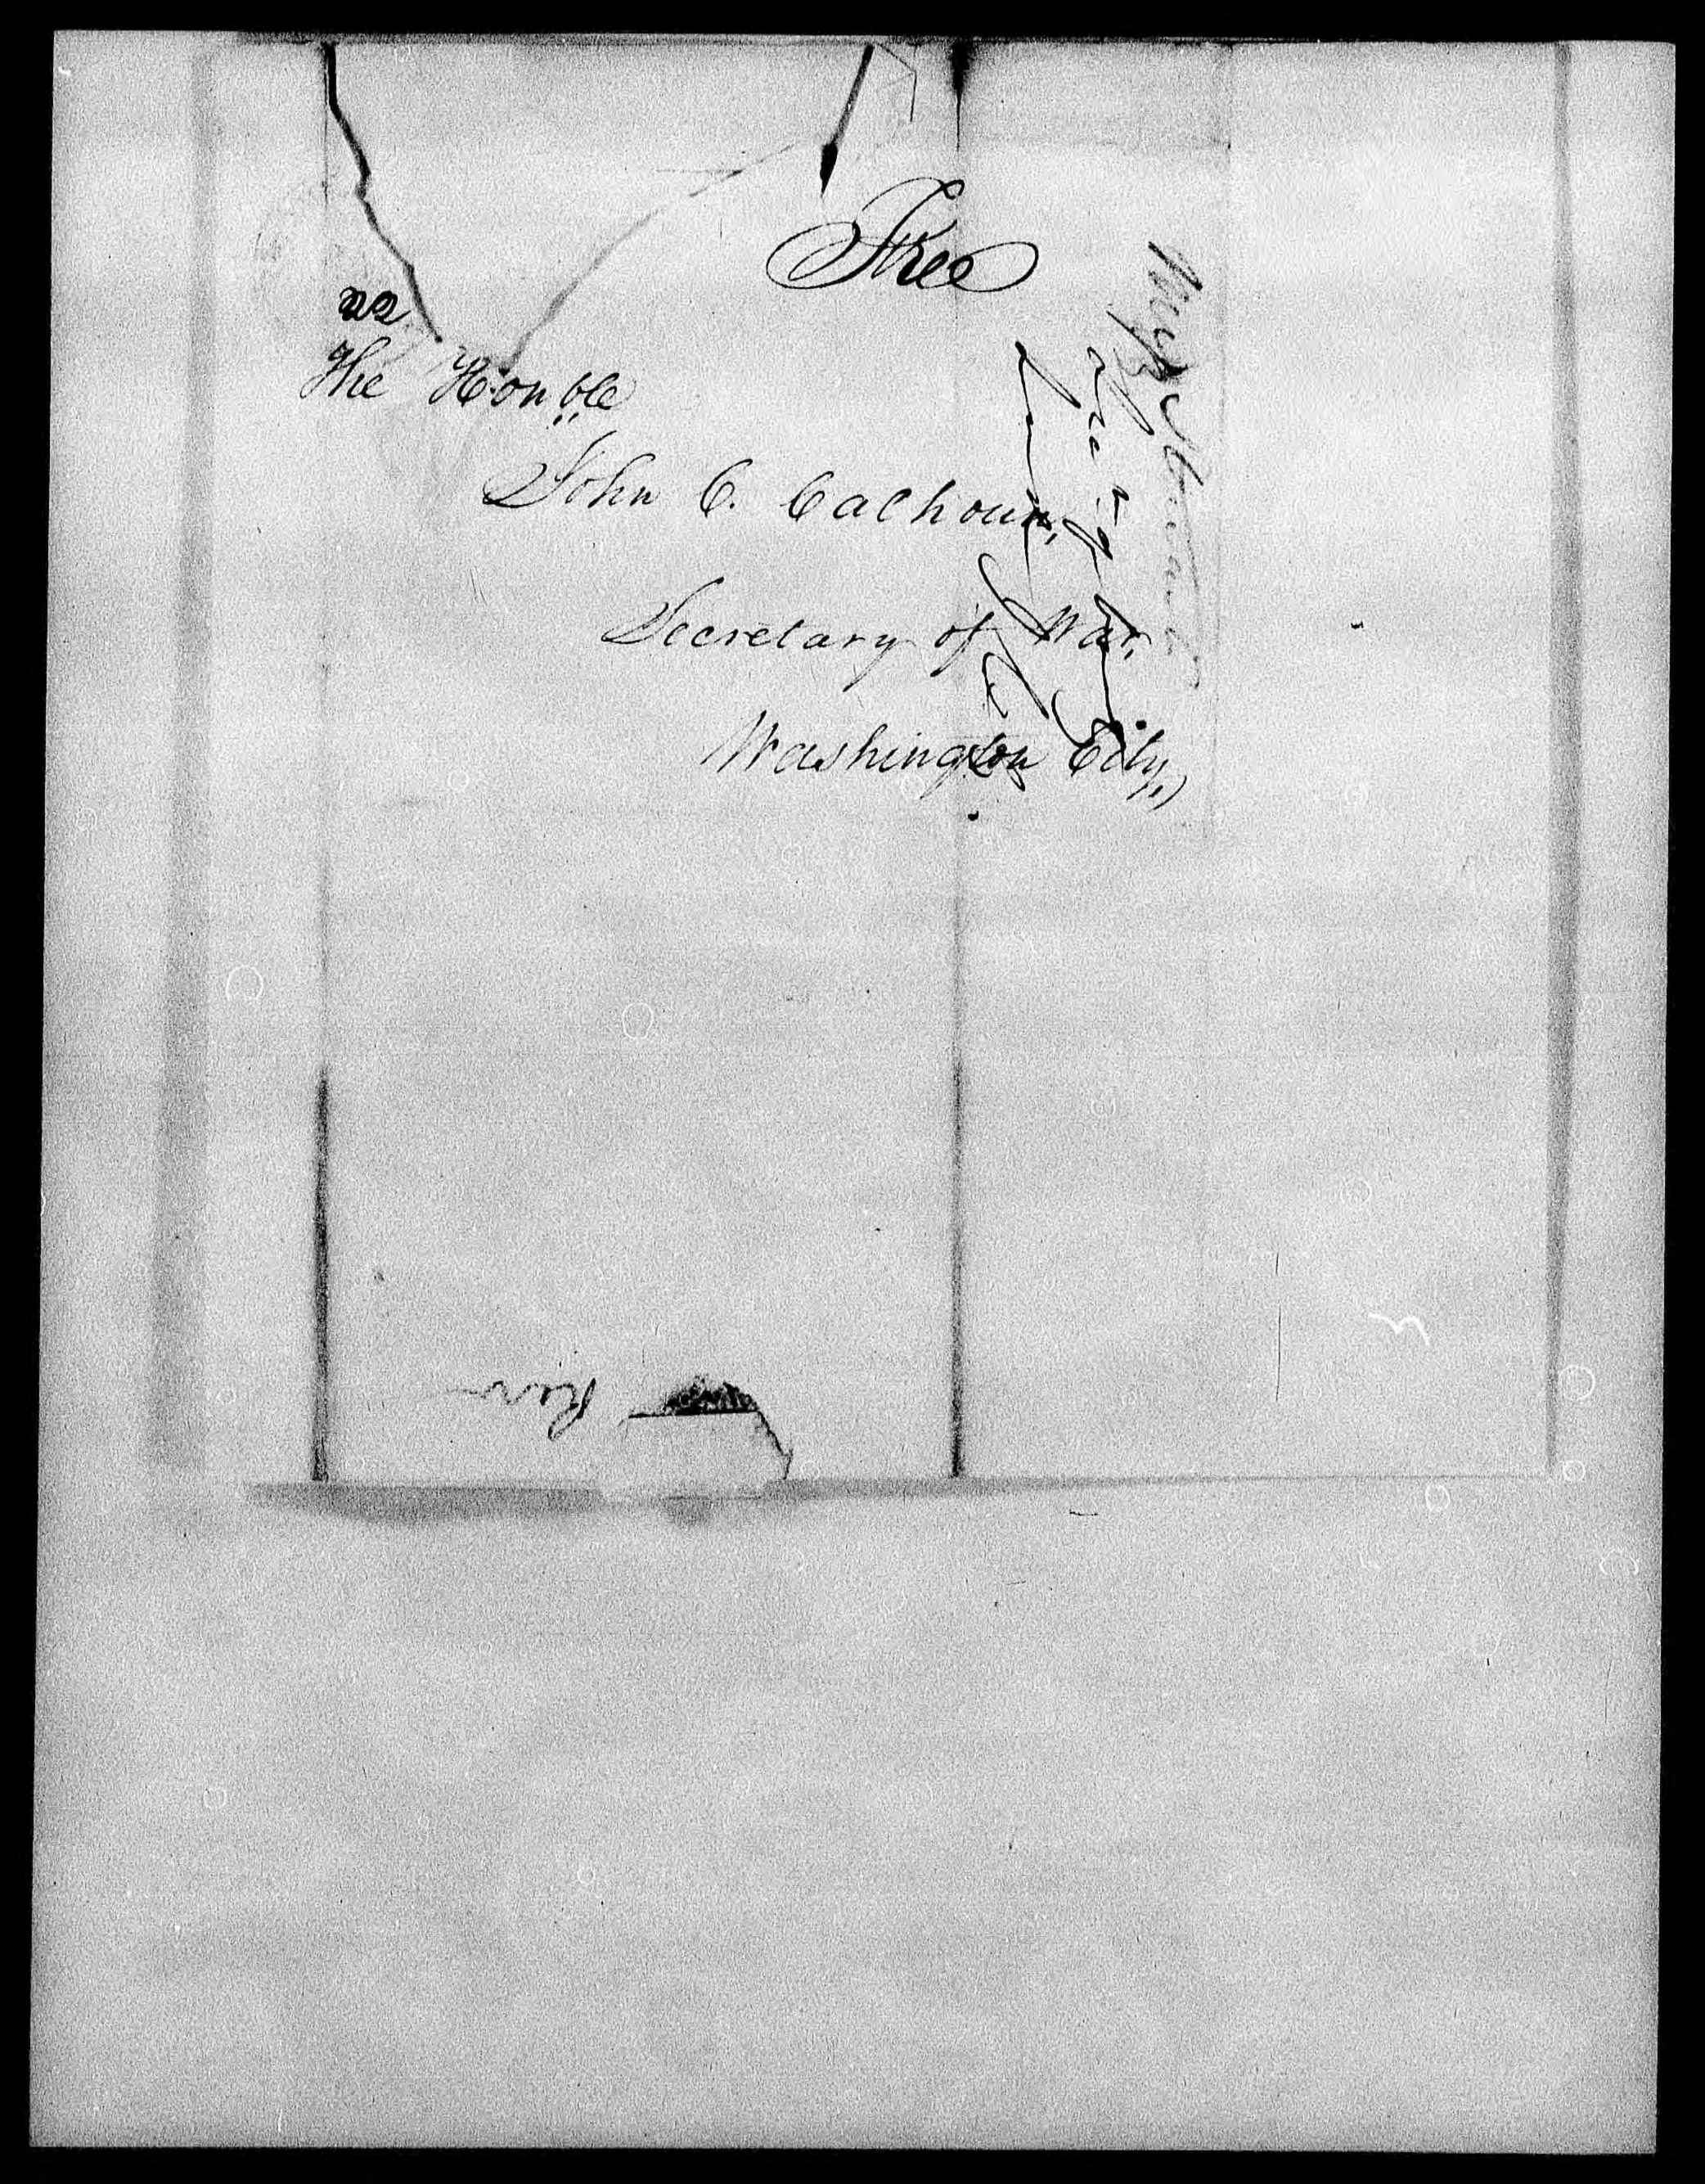Free
The Honorable
John C. Calhoun
Secretary of War
Washington City,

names: John C Calhoun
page: 13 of 20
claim: bounty land warrant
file: B. L. Wt. 1102-300, for Robert Kirkwood, Delaware